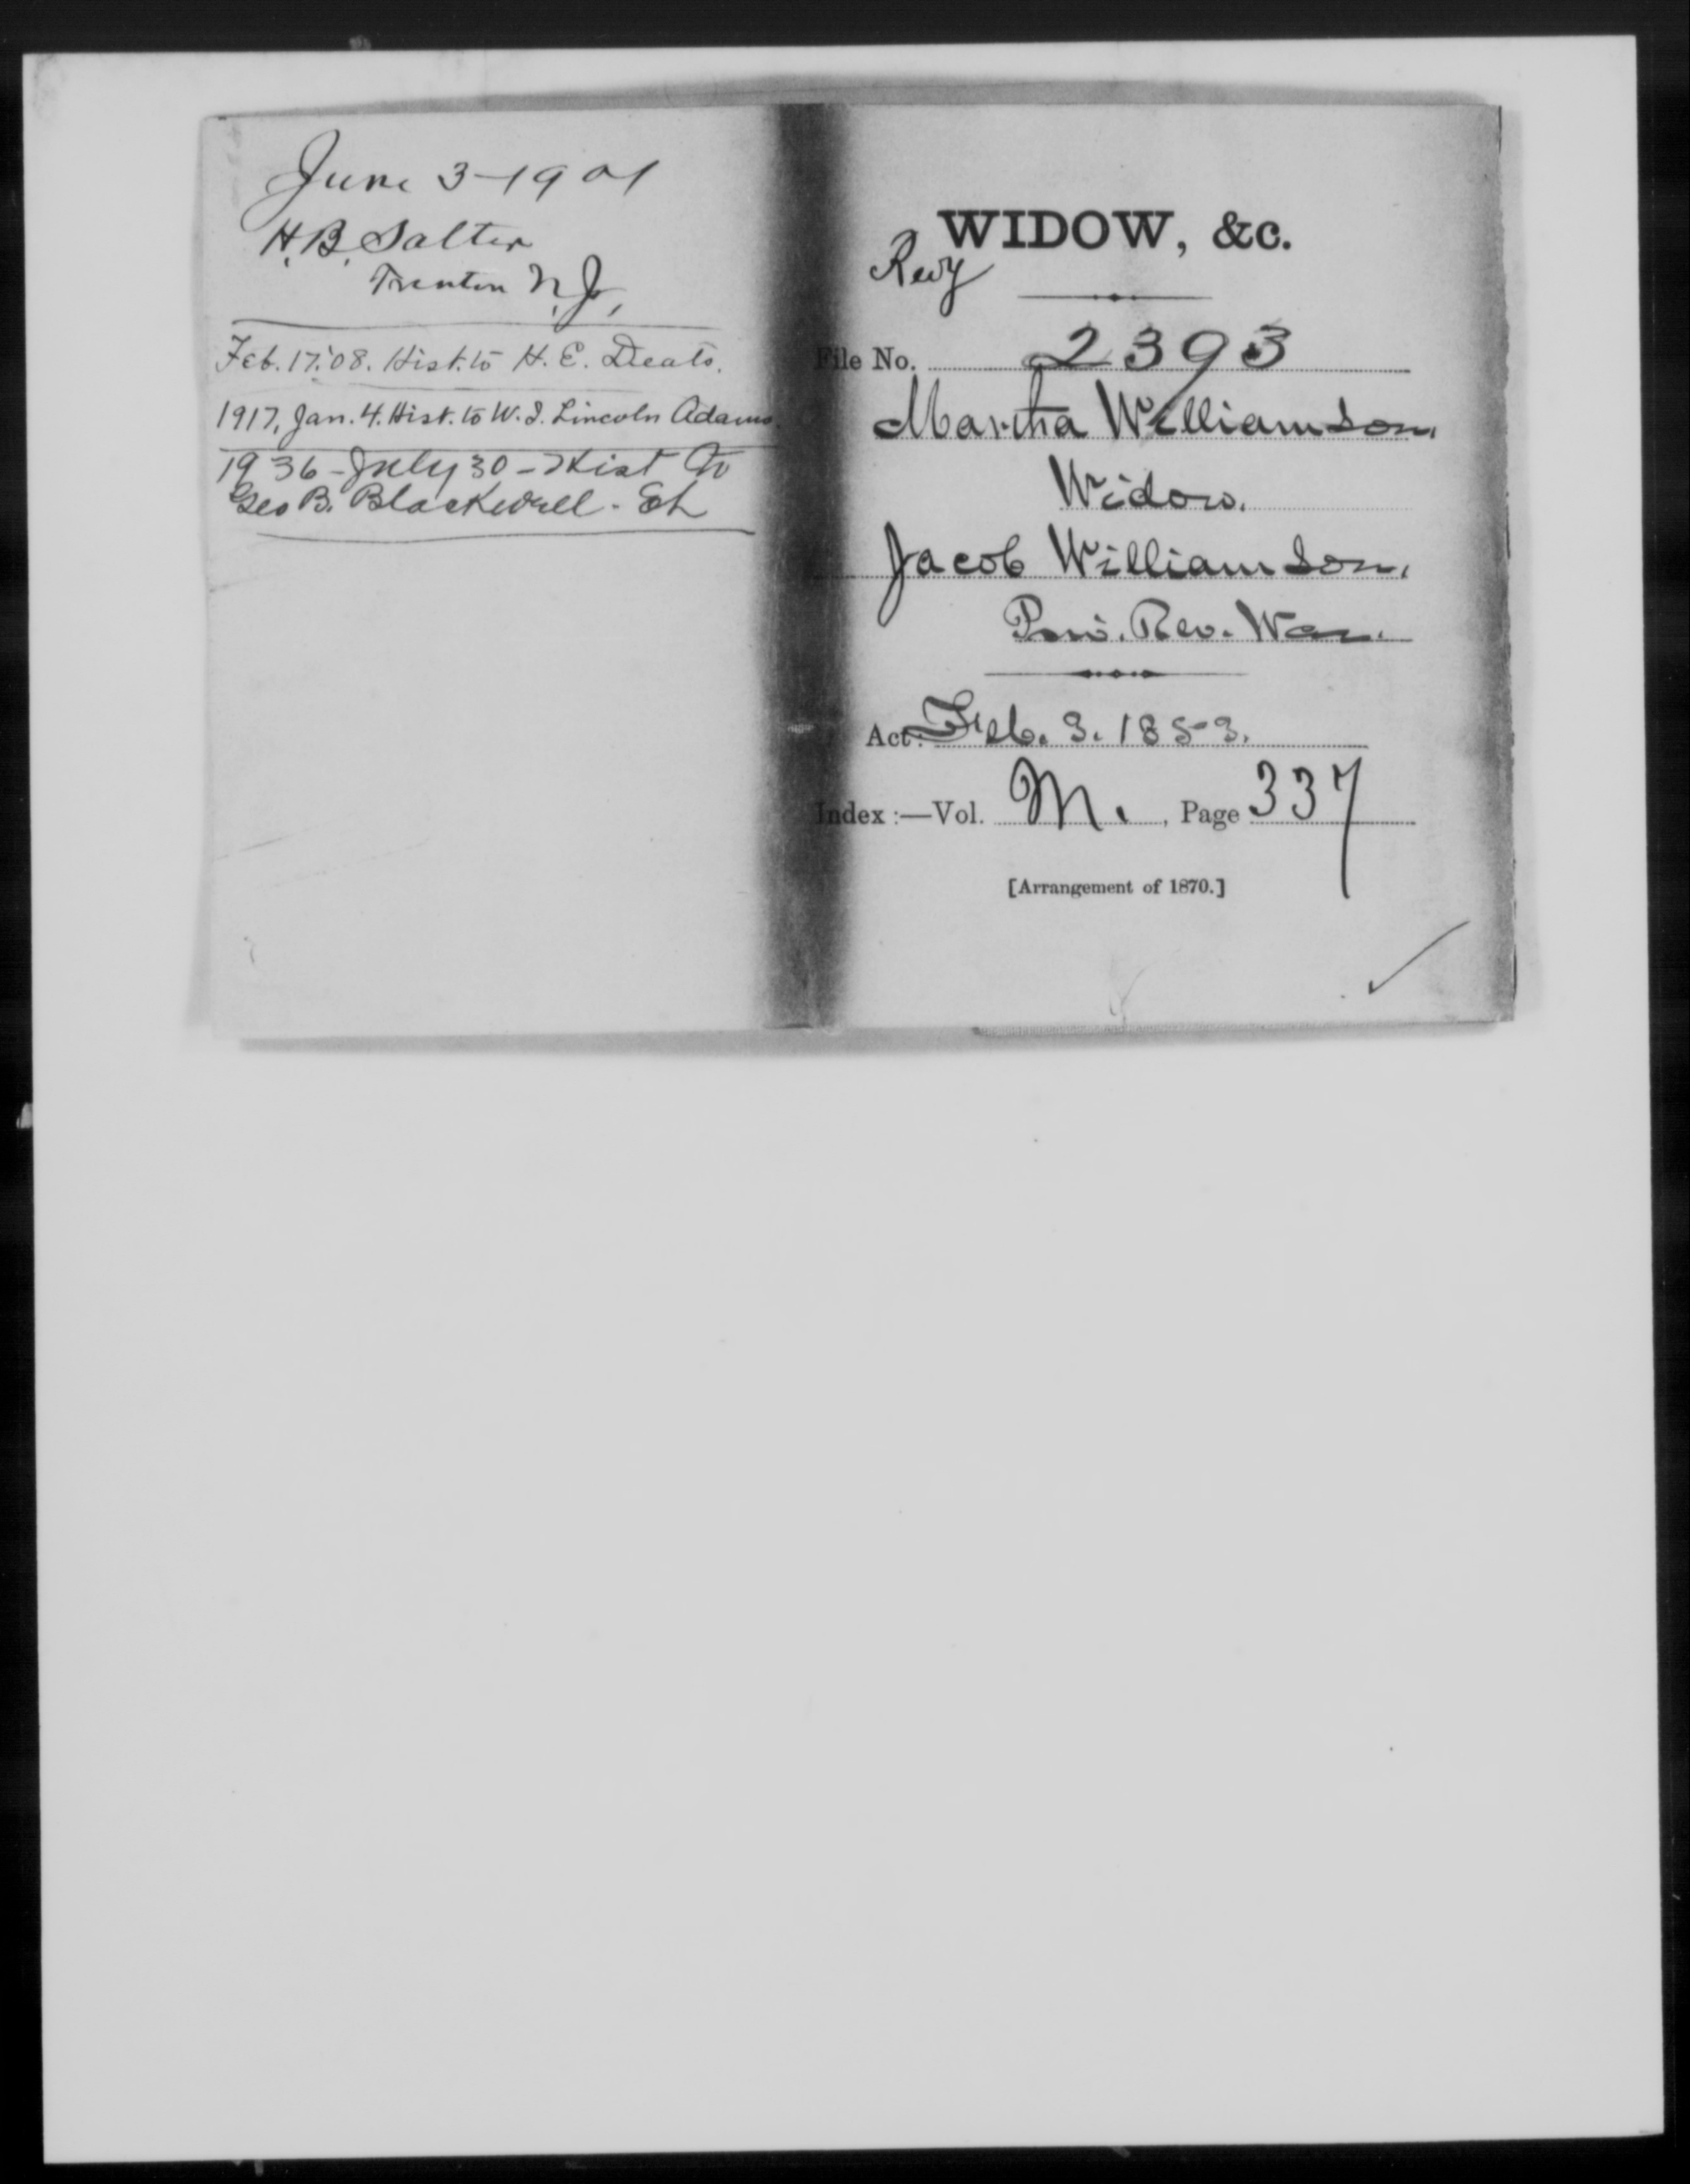WIDOW, &c.
Rev(olutionary War)
File No. 2393
Martha Williamson, widow [of] Jacob Williamson, Priv(ate), Rev(olutionary) War.
Act: Feb. 3, 1853.
Index: -; Vol. M; Page 337.
{Arrangement of 1870.}

June 3, 1901 - H.B. Salter, Trenton, N.J.
Feb. 17, '08 - Hist(ory sent) to H. E. Deats.
1917 Jan. 4 - Hist(ory sent) to W.J. Lincoln Adam.
1936 July 30 - Hist(ory sent) to Geo B. Blackwell. E.E.L.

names: H B Salter, Geo B Blackwell, H E Deats, W J Lincoln, Martha Williamson, Jacob Williamson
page: 58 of 67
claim: widow's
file: W. 2393, Jacob Williamson, New Jersey